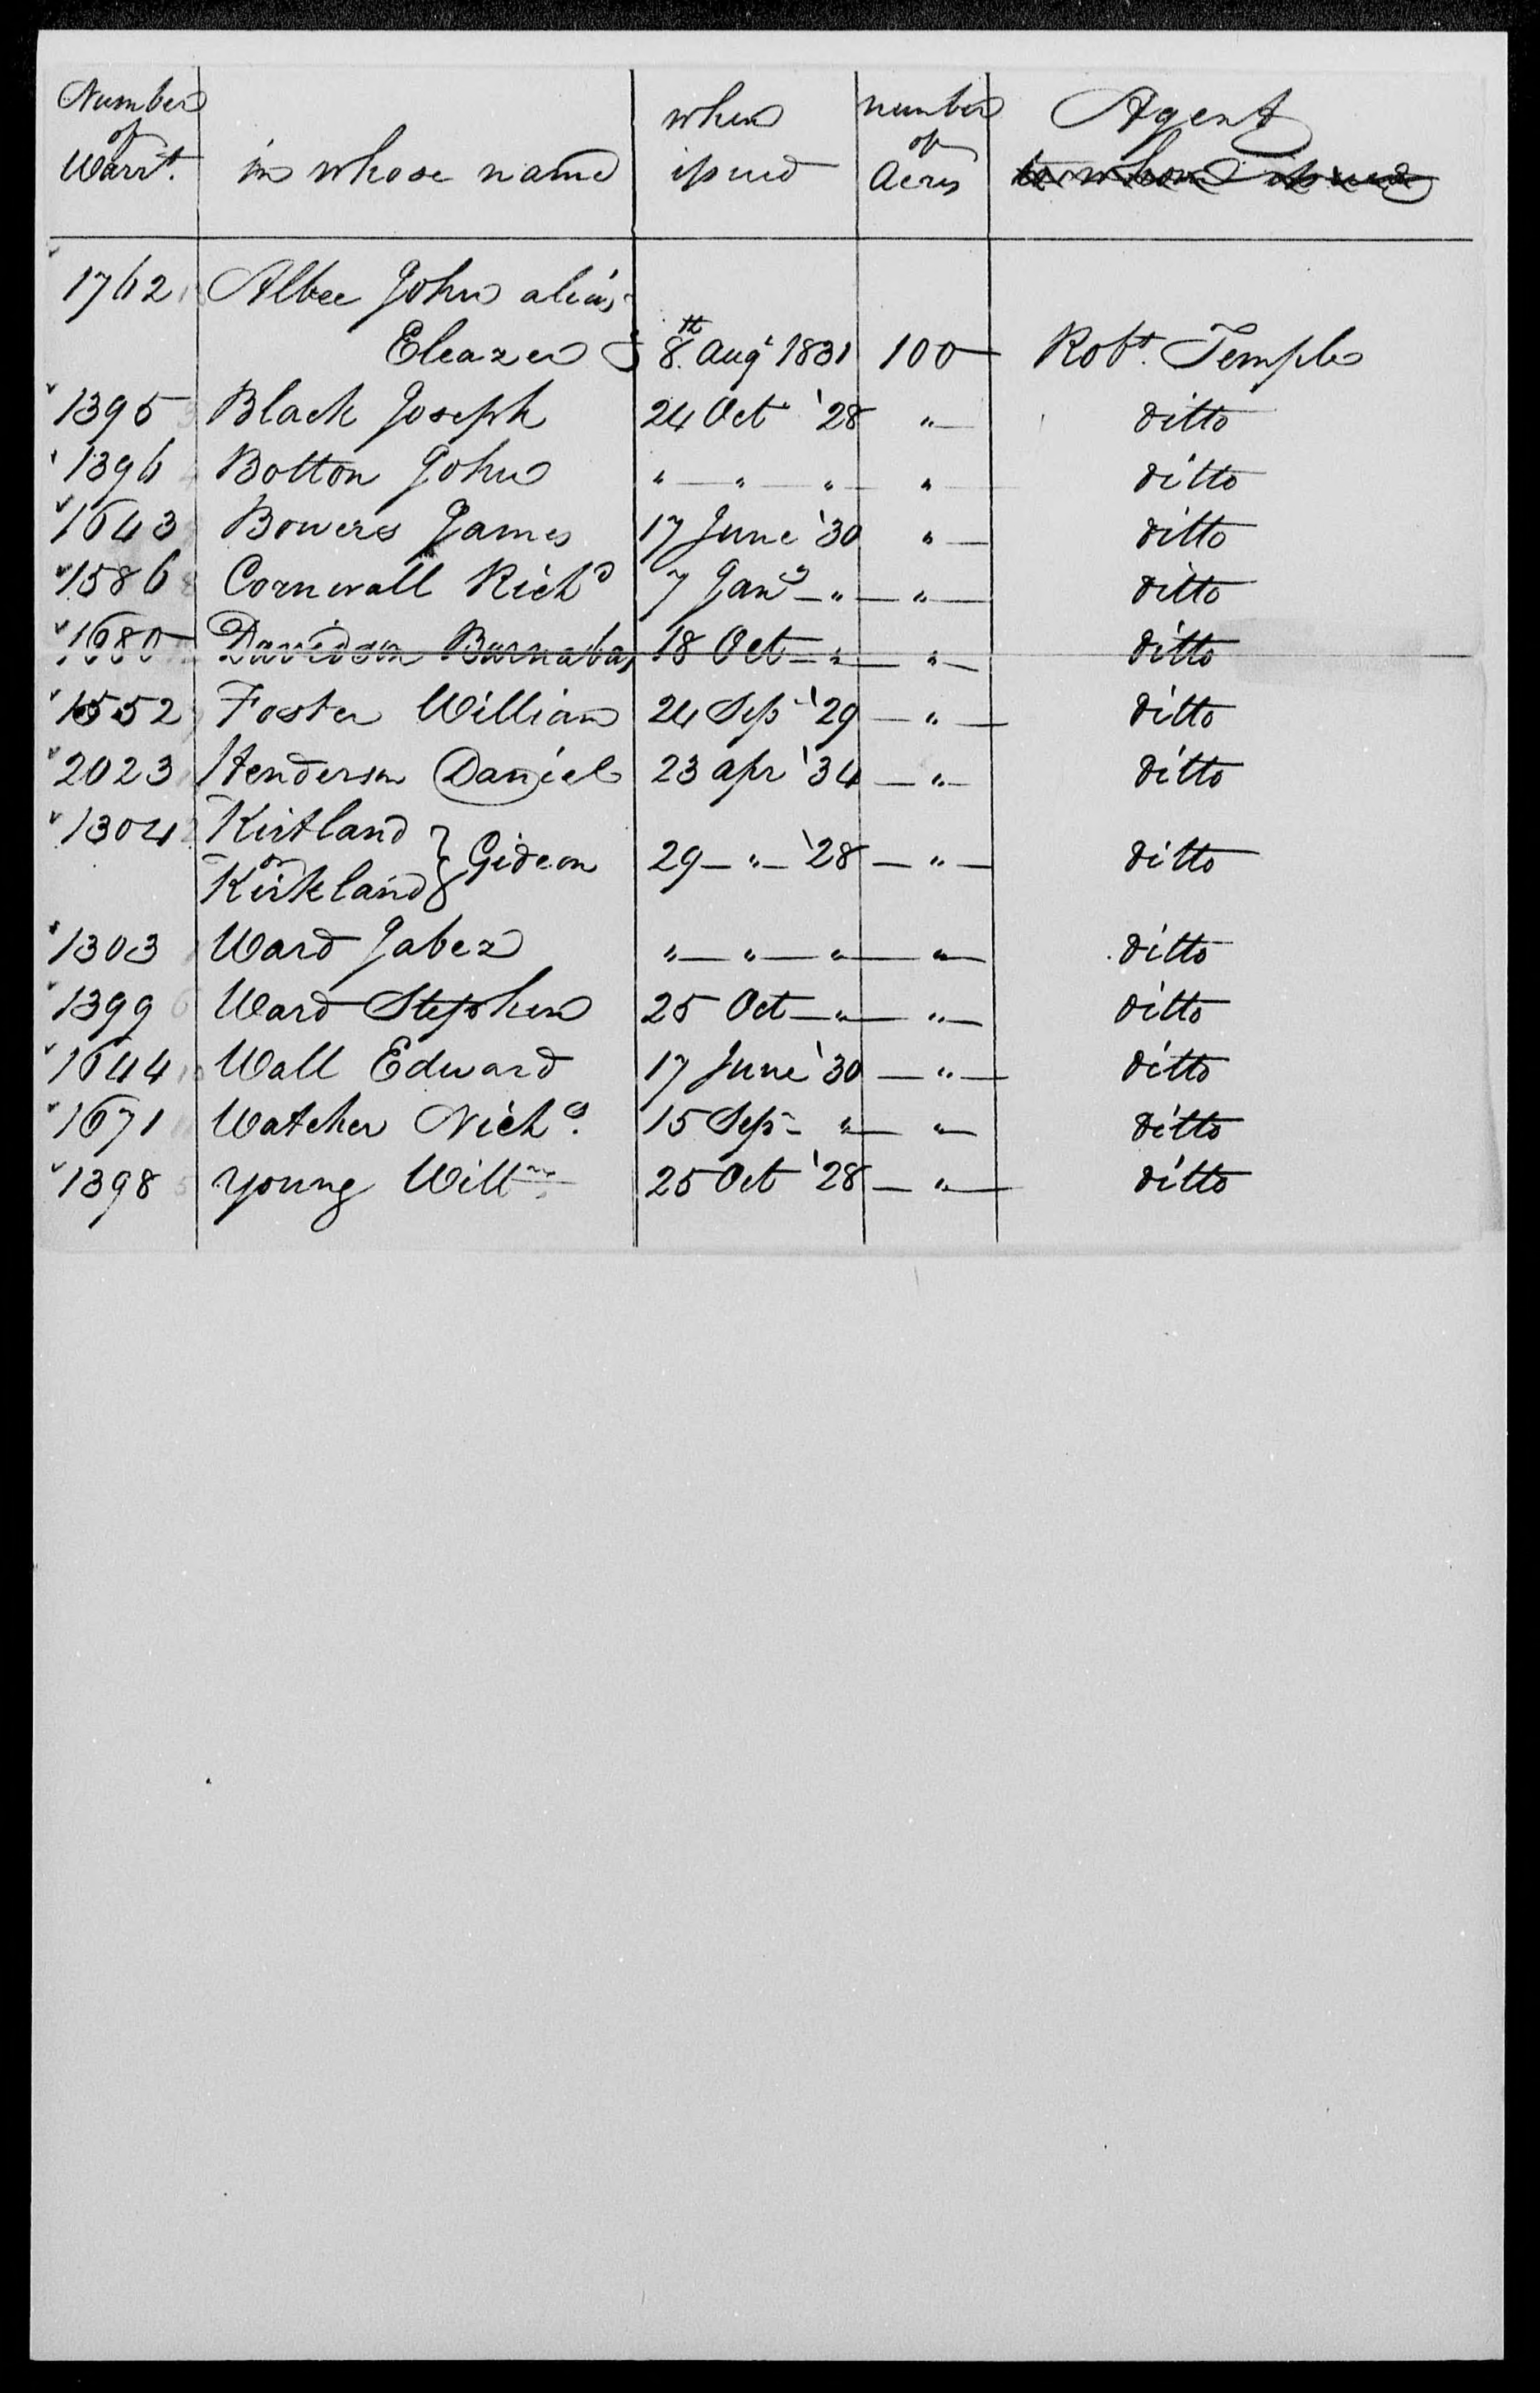Number of Warrant - 1762

in whose name - Albee John alias Eleazer

when issued - 8th August 1831

Number of Acres - 100

Agent - Robert Temple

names: Edward Wall, Jabez Ward, Gideon Kirtland, Richd Cornwall, John Albee, Stephen Ward, Eleazer, William Foster, Nichs Watcher, Gideon Kirkland, James Bowers, Willm Young, John Botton, Daniel Henderson, Barnaba Davidson, Joseph Black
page: 10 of 29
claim: survivor's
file: S 41404, Eleazer John Albee, Mass. Privateer